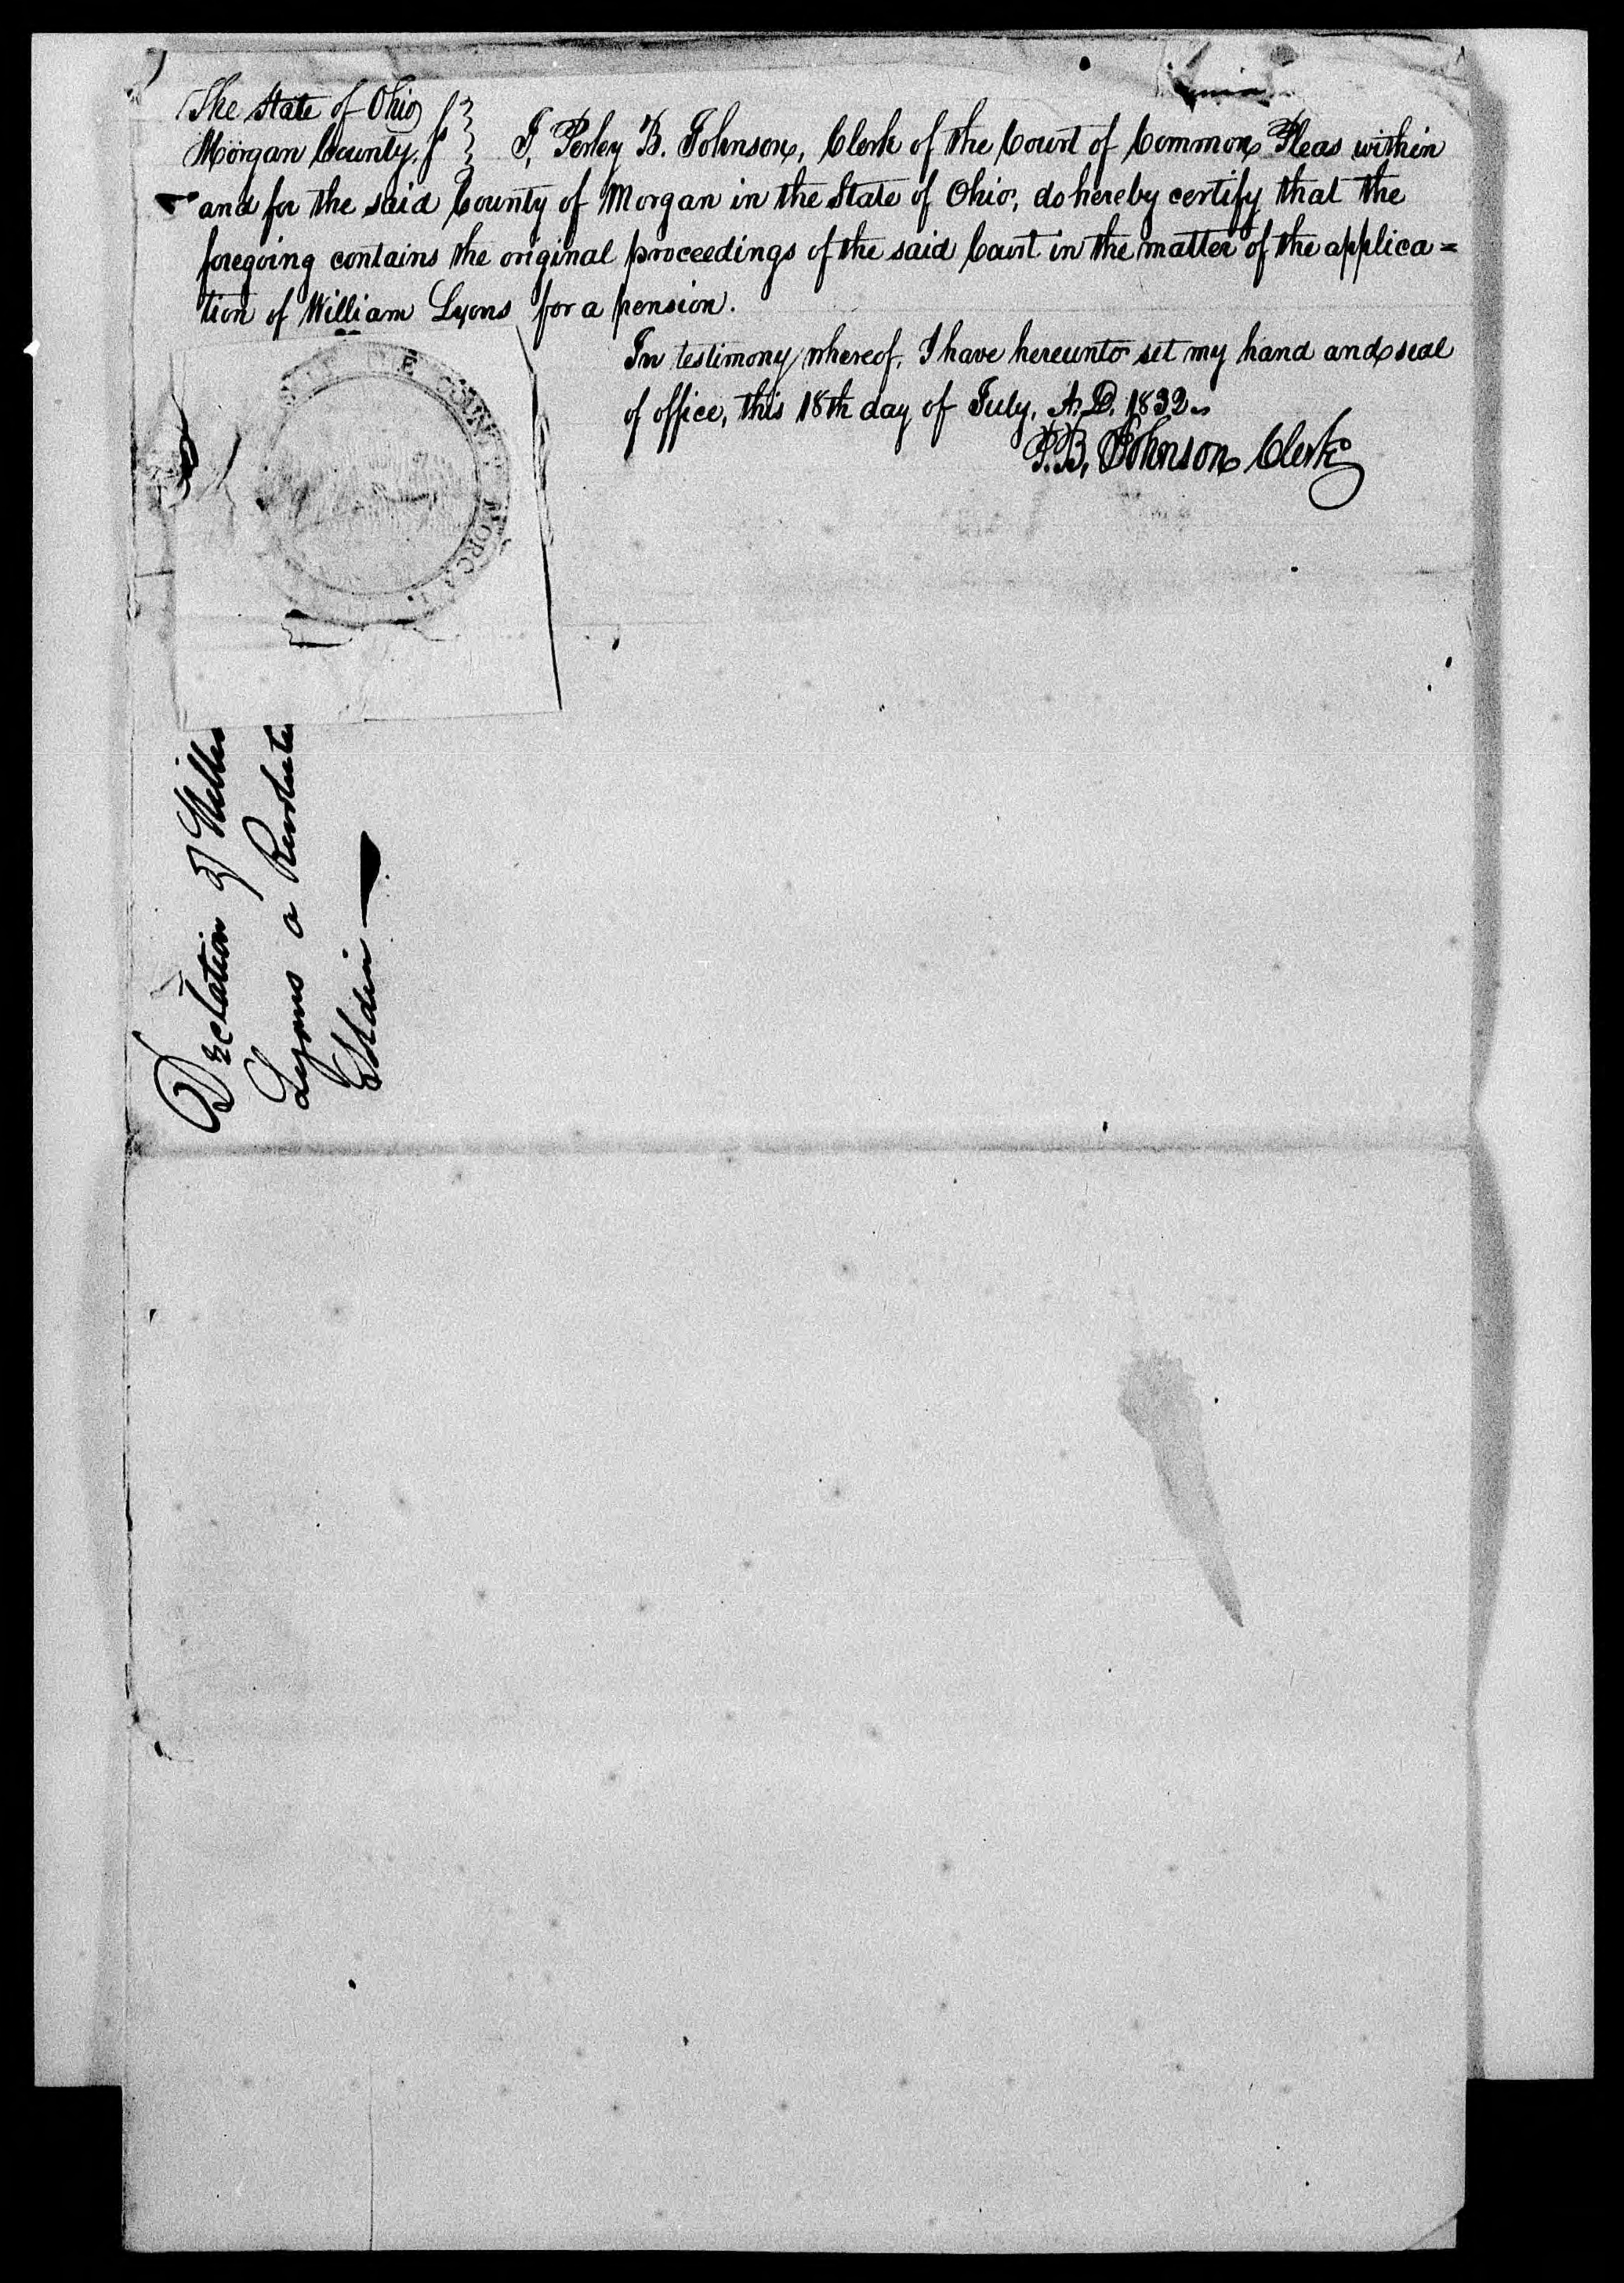The State of Ohio
Morgan County
I Penley B. Johnson, clerk of the court of Common Pleas within and for the said County of Morgan in the State of Ohio, do hereby certify that the foregoing contains the original proceedings of the said Court in the matter of the application of William Lyons for a pension.In testimony whereof I have hereunto set my hand and Seal of office, this 18th day of July A.D. 1832
P.B. Johnson Clerk

Declaration of William Lyons a Revolutionary Militia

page: 13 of 41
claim: survivor's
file: S. 4585, for William Lyons, Pennsylvania